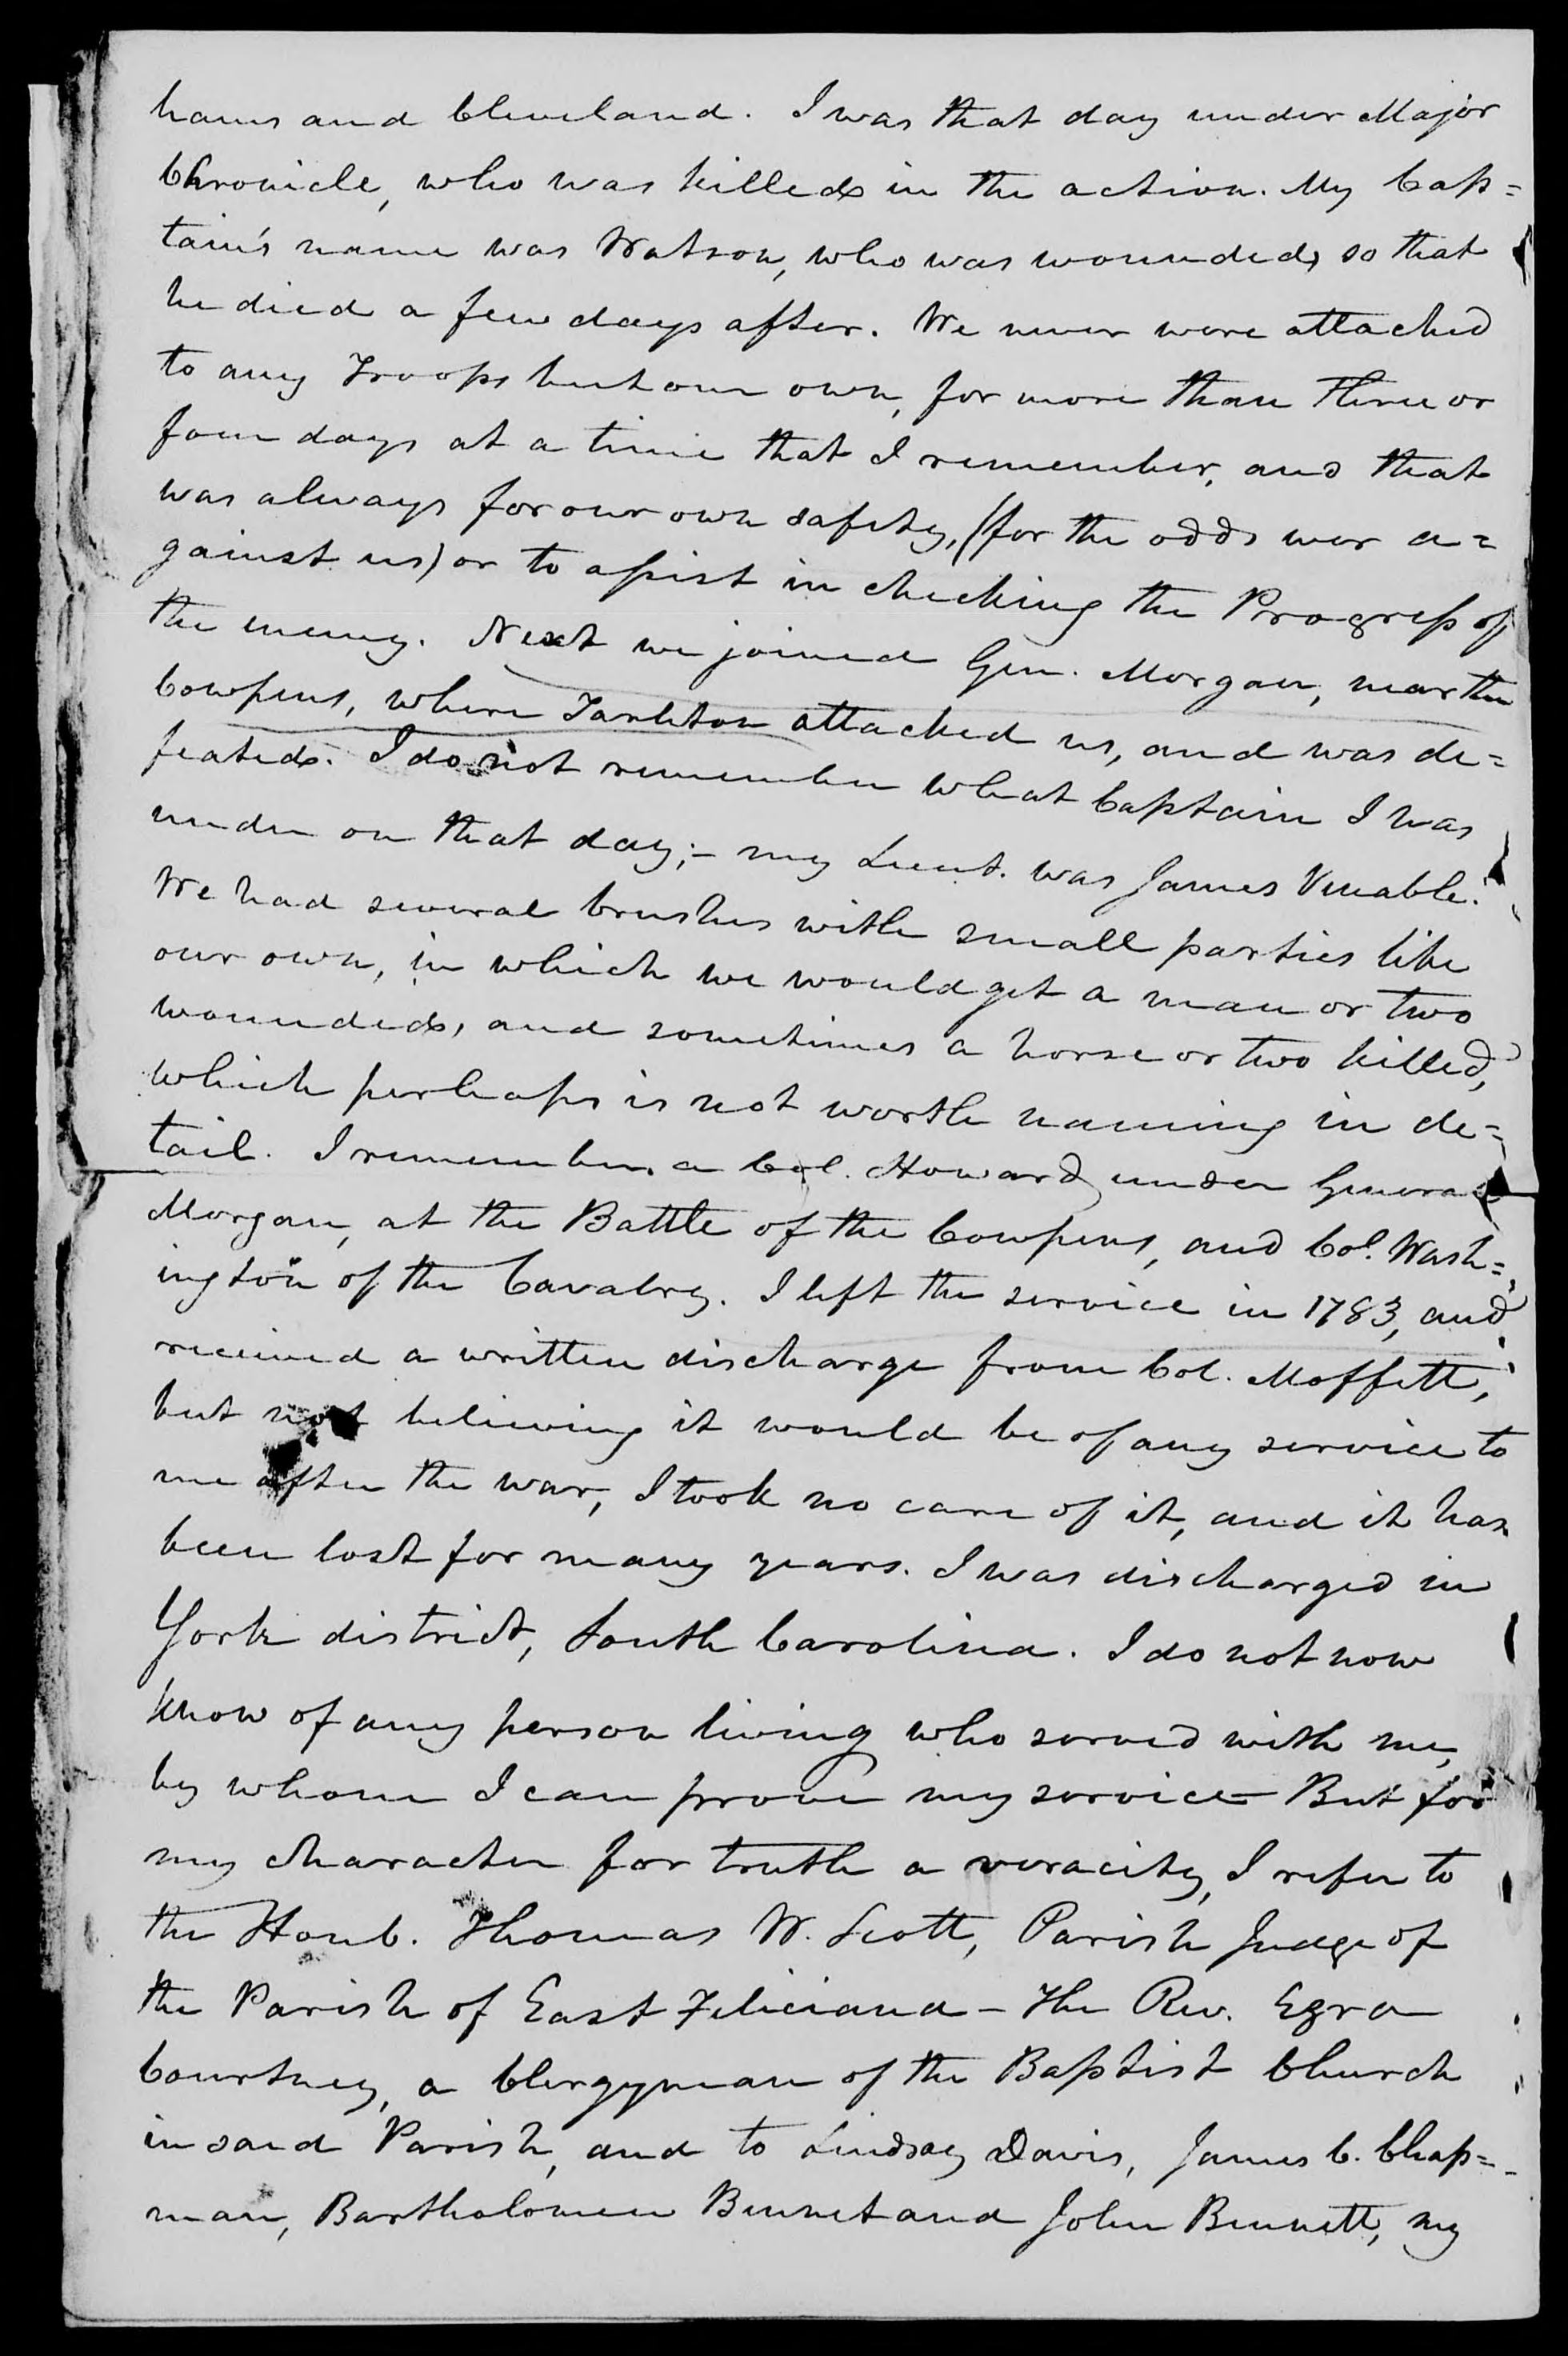[Wil]liams and Cleveland. I was that day under Major Chronicle who was killed in the action. My Captain's name was Watson who was wounded so that he died a few days after. We never were attached to any troops but our own, for more than three or four days at a time that I remember and that was always for our own safety, for the odds were against us, or to assist in checking the progress of the enemy. Next we joined Gen. Morgan, marched to Cowpens, where [illegible] attacked us, and was defeated. I do not remember what Captain I was under on that day; my Lieut. was James Venable. We had several brushes with small parties like our own, in which we would get a man or two wounded, and sometimes a horse or two killed which perhaps is not worth naming in detail. I remember a Col. Howard under General Morgan, at the Battle of the Cowpens and Col Washington of the Cavalry. I left the service in 1783 and received a written discharge from Col. Moffitt but not believing it would be of any service to me after the war, I took no care of it, and it has been lost for many years. I was discharged in York district, South Carolina. I do not now know of any person living who served with me by whom I can prove my service. But for my character for truth a veracity, I refer to the Hon. Thomas W. Scott, Parish Judge of the Parish of East Feliciana - The Rev. Ezra Courtney a Clergyman of the Baptist Church in said Parish, and to Lindsay Davis, James C. Chap man, Bartholomew Bennet and John Bennett, my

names: Ezra Courtney, Morgan, John Benett, Washington, Lindsay Davis, Cleveland, James Venable, Thomas W Scott, Chronicle, Watson, James C Chapman, Bartholomew Bennet, Morgan, Moffitt, Howard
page: 3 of 48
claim: rejected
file: R. 2173, James P Collins, S. C.